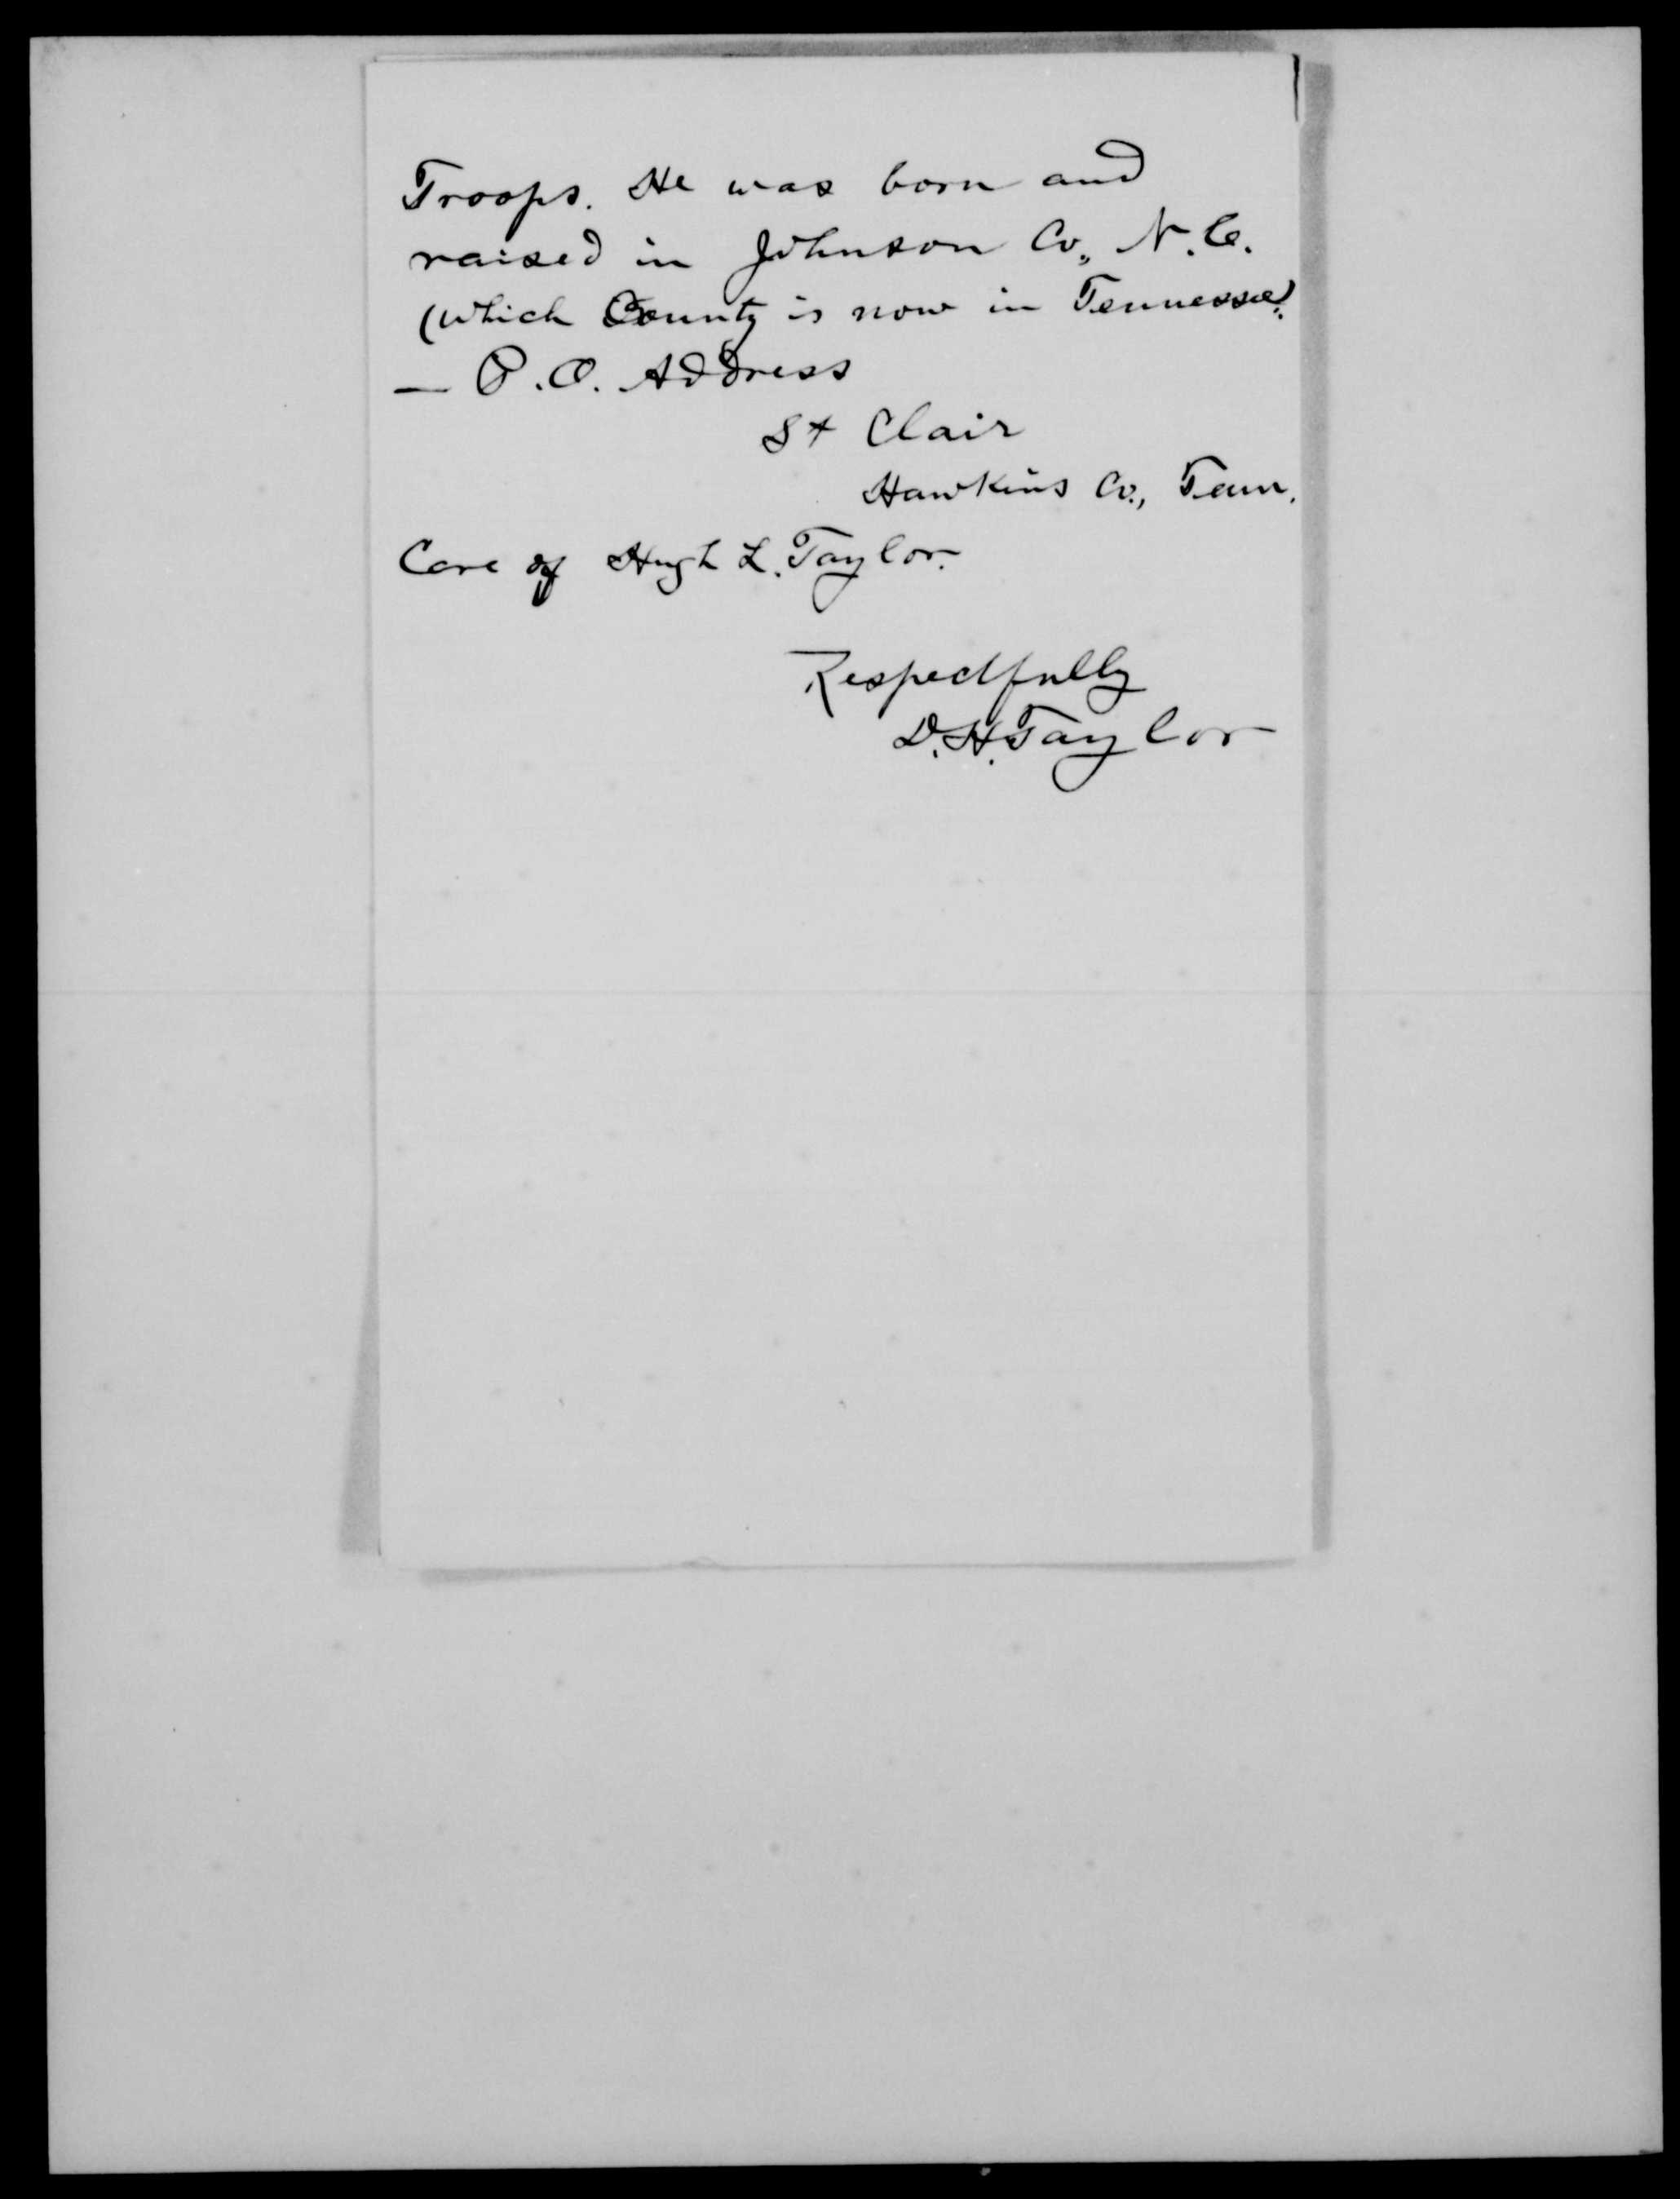Troops He was born and raised in Johnson Co NS (which county is now in Tennessee
PO Address
St Clair
Hawkins Co Tenn
Case of Hugh L Taylor
Respectfully 
D H Taylor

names: Hugh L Taylor; D H Taylor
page: 59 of 79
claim: widow's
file: W. 1504, for Robert Smith, North Carolina